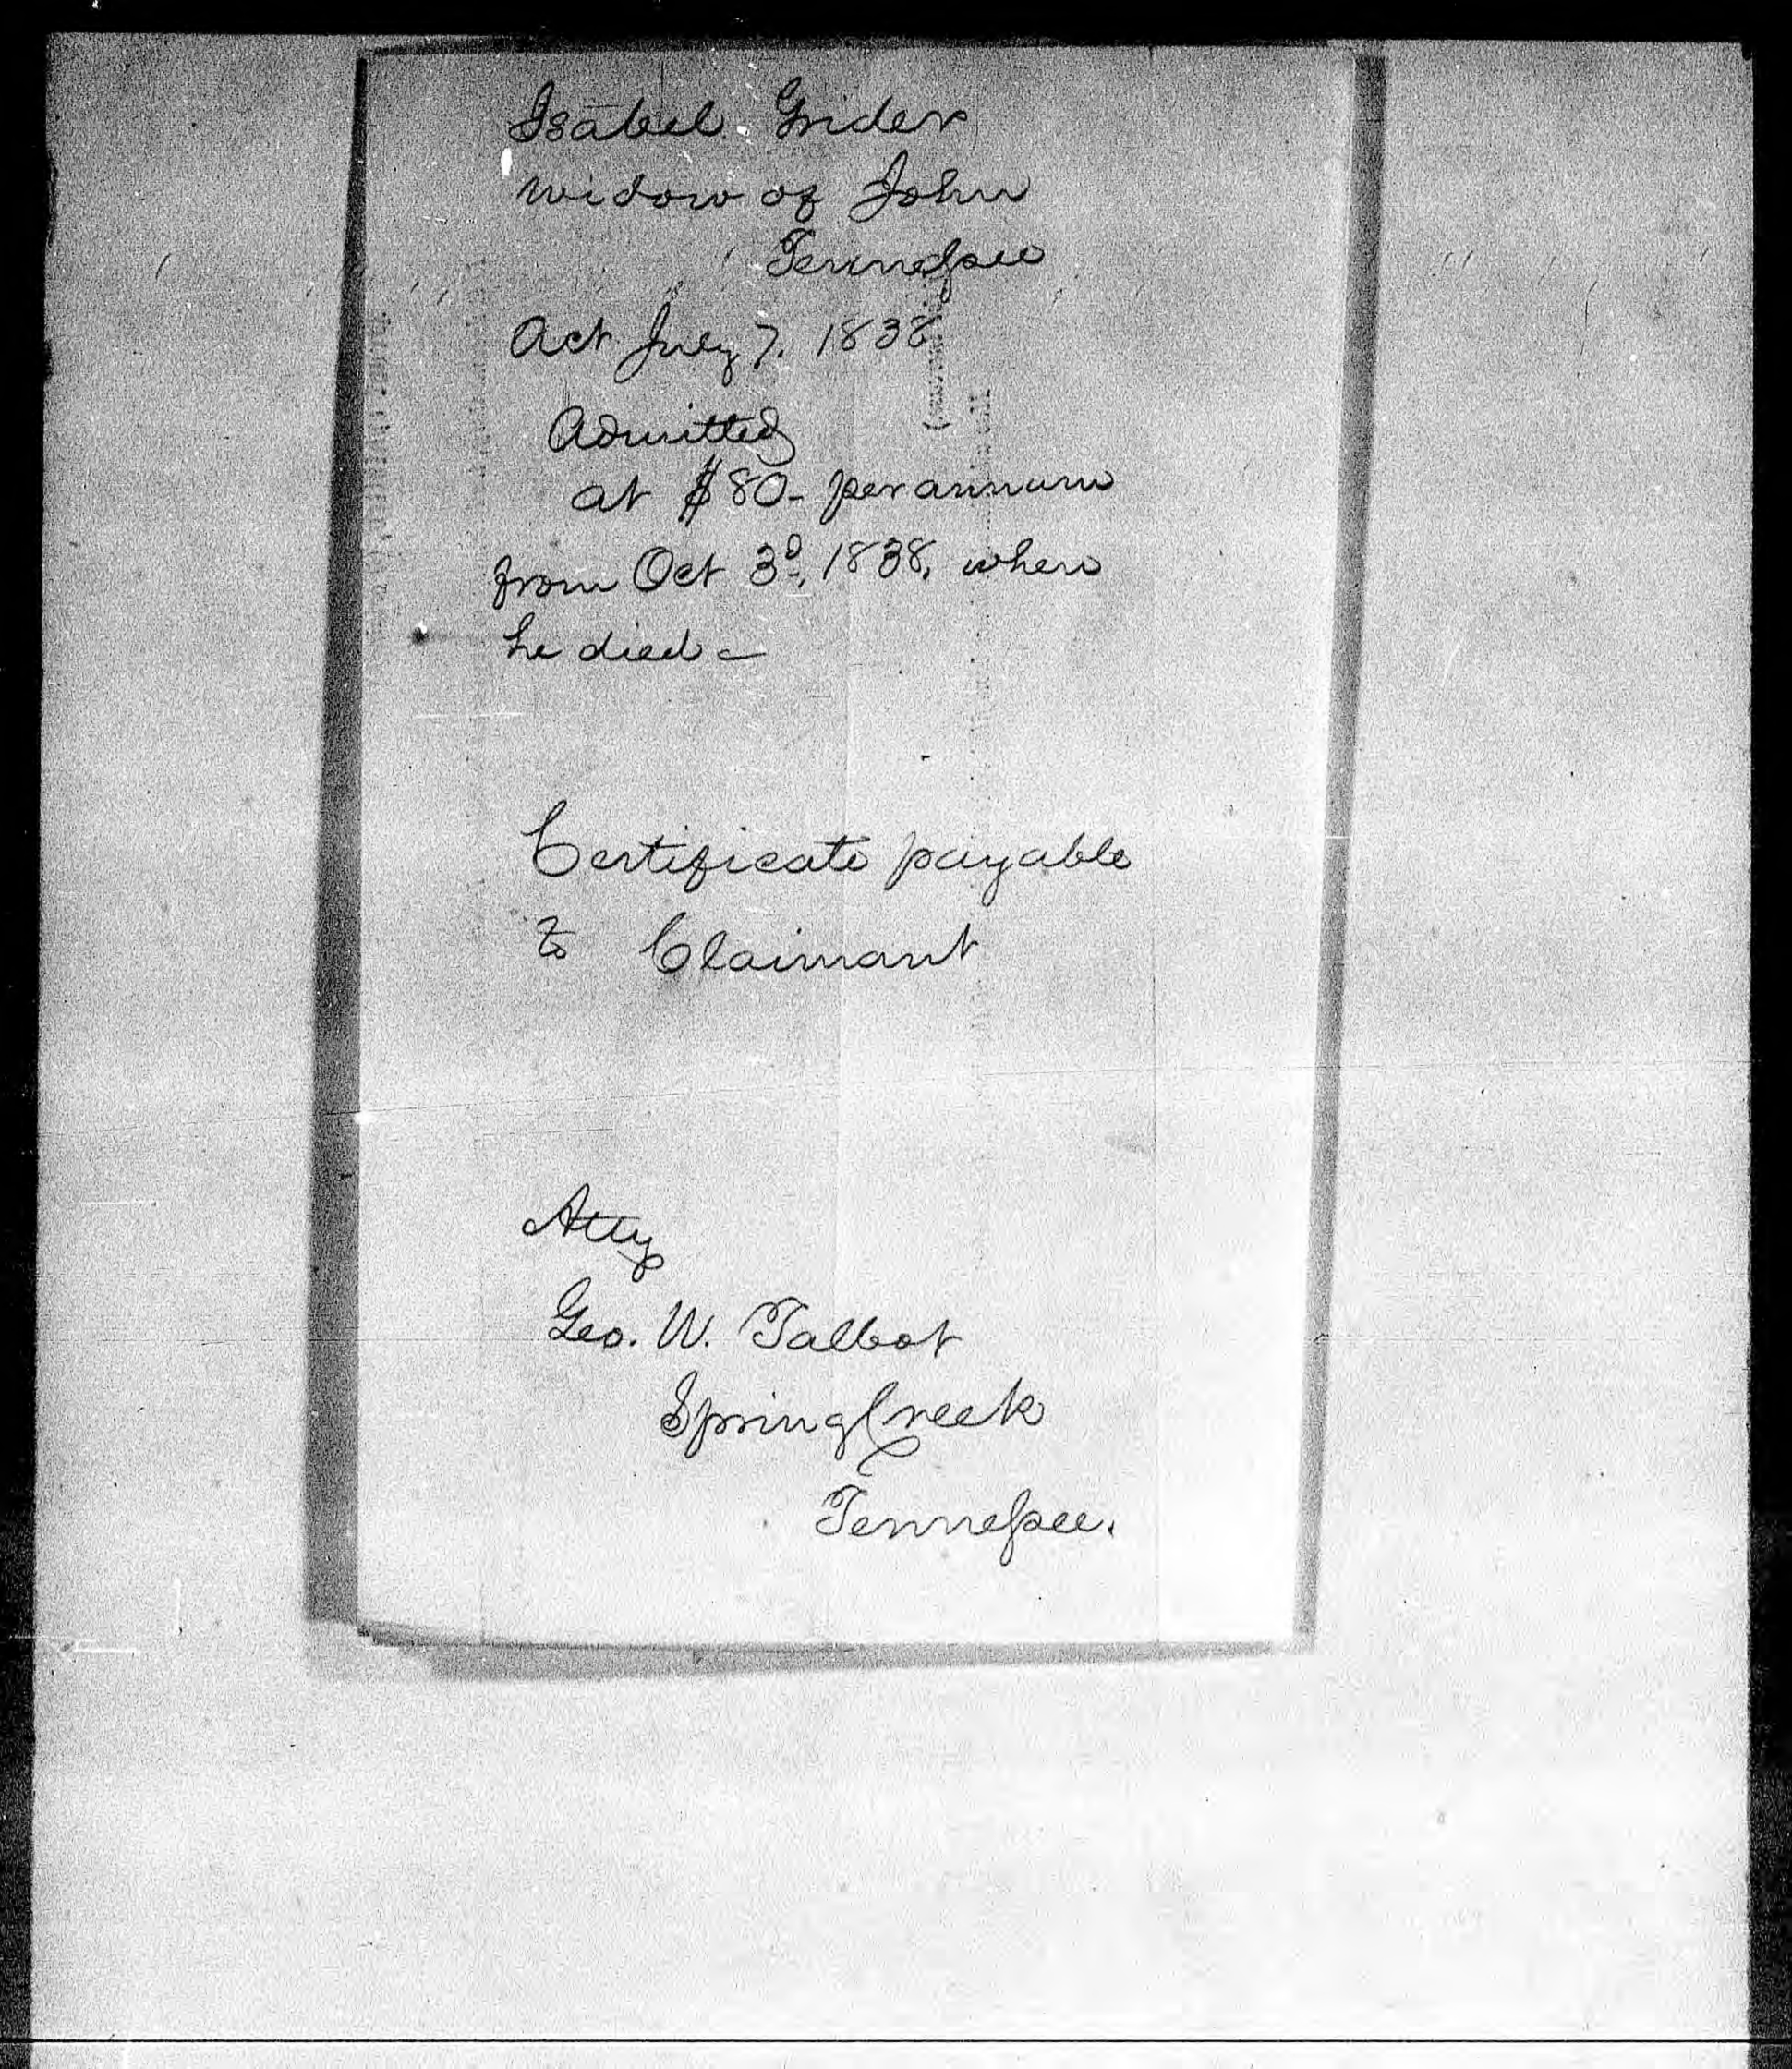Isabel Grider
Widow of John
Tennessee
Act July 7, 1838

Admitted 
At $80 per annum
From October 3d 1838, when
he died -

certificate payable 
to claimant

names: John Grider, Isabel Grider, Geo W Talbot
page: 74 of 91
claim: widow's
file: W 358, John Grider, N.C.